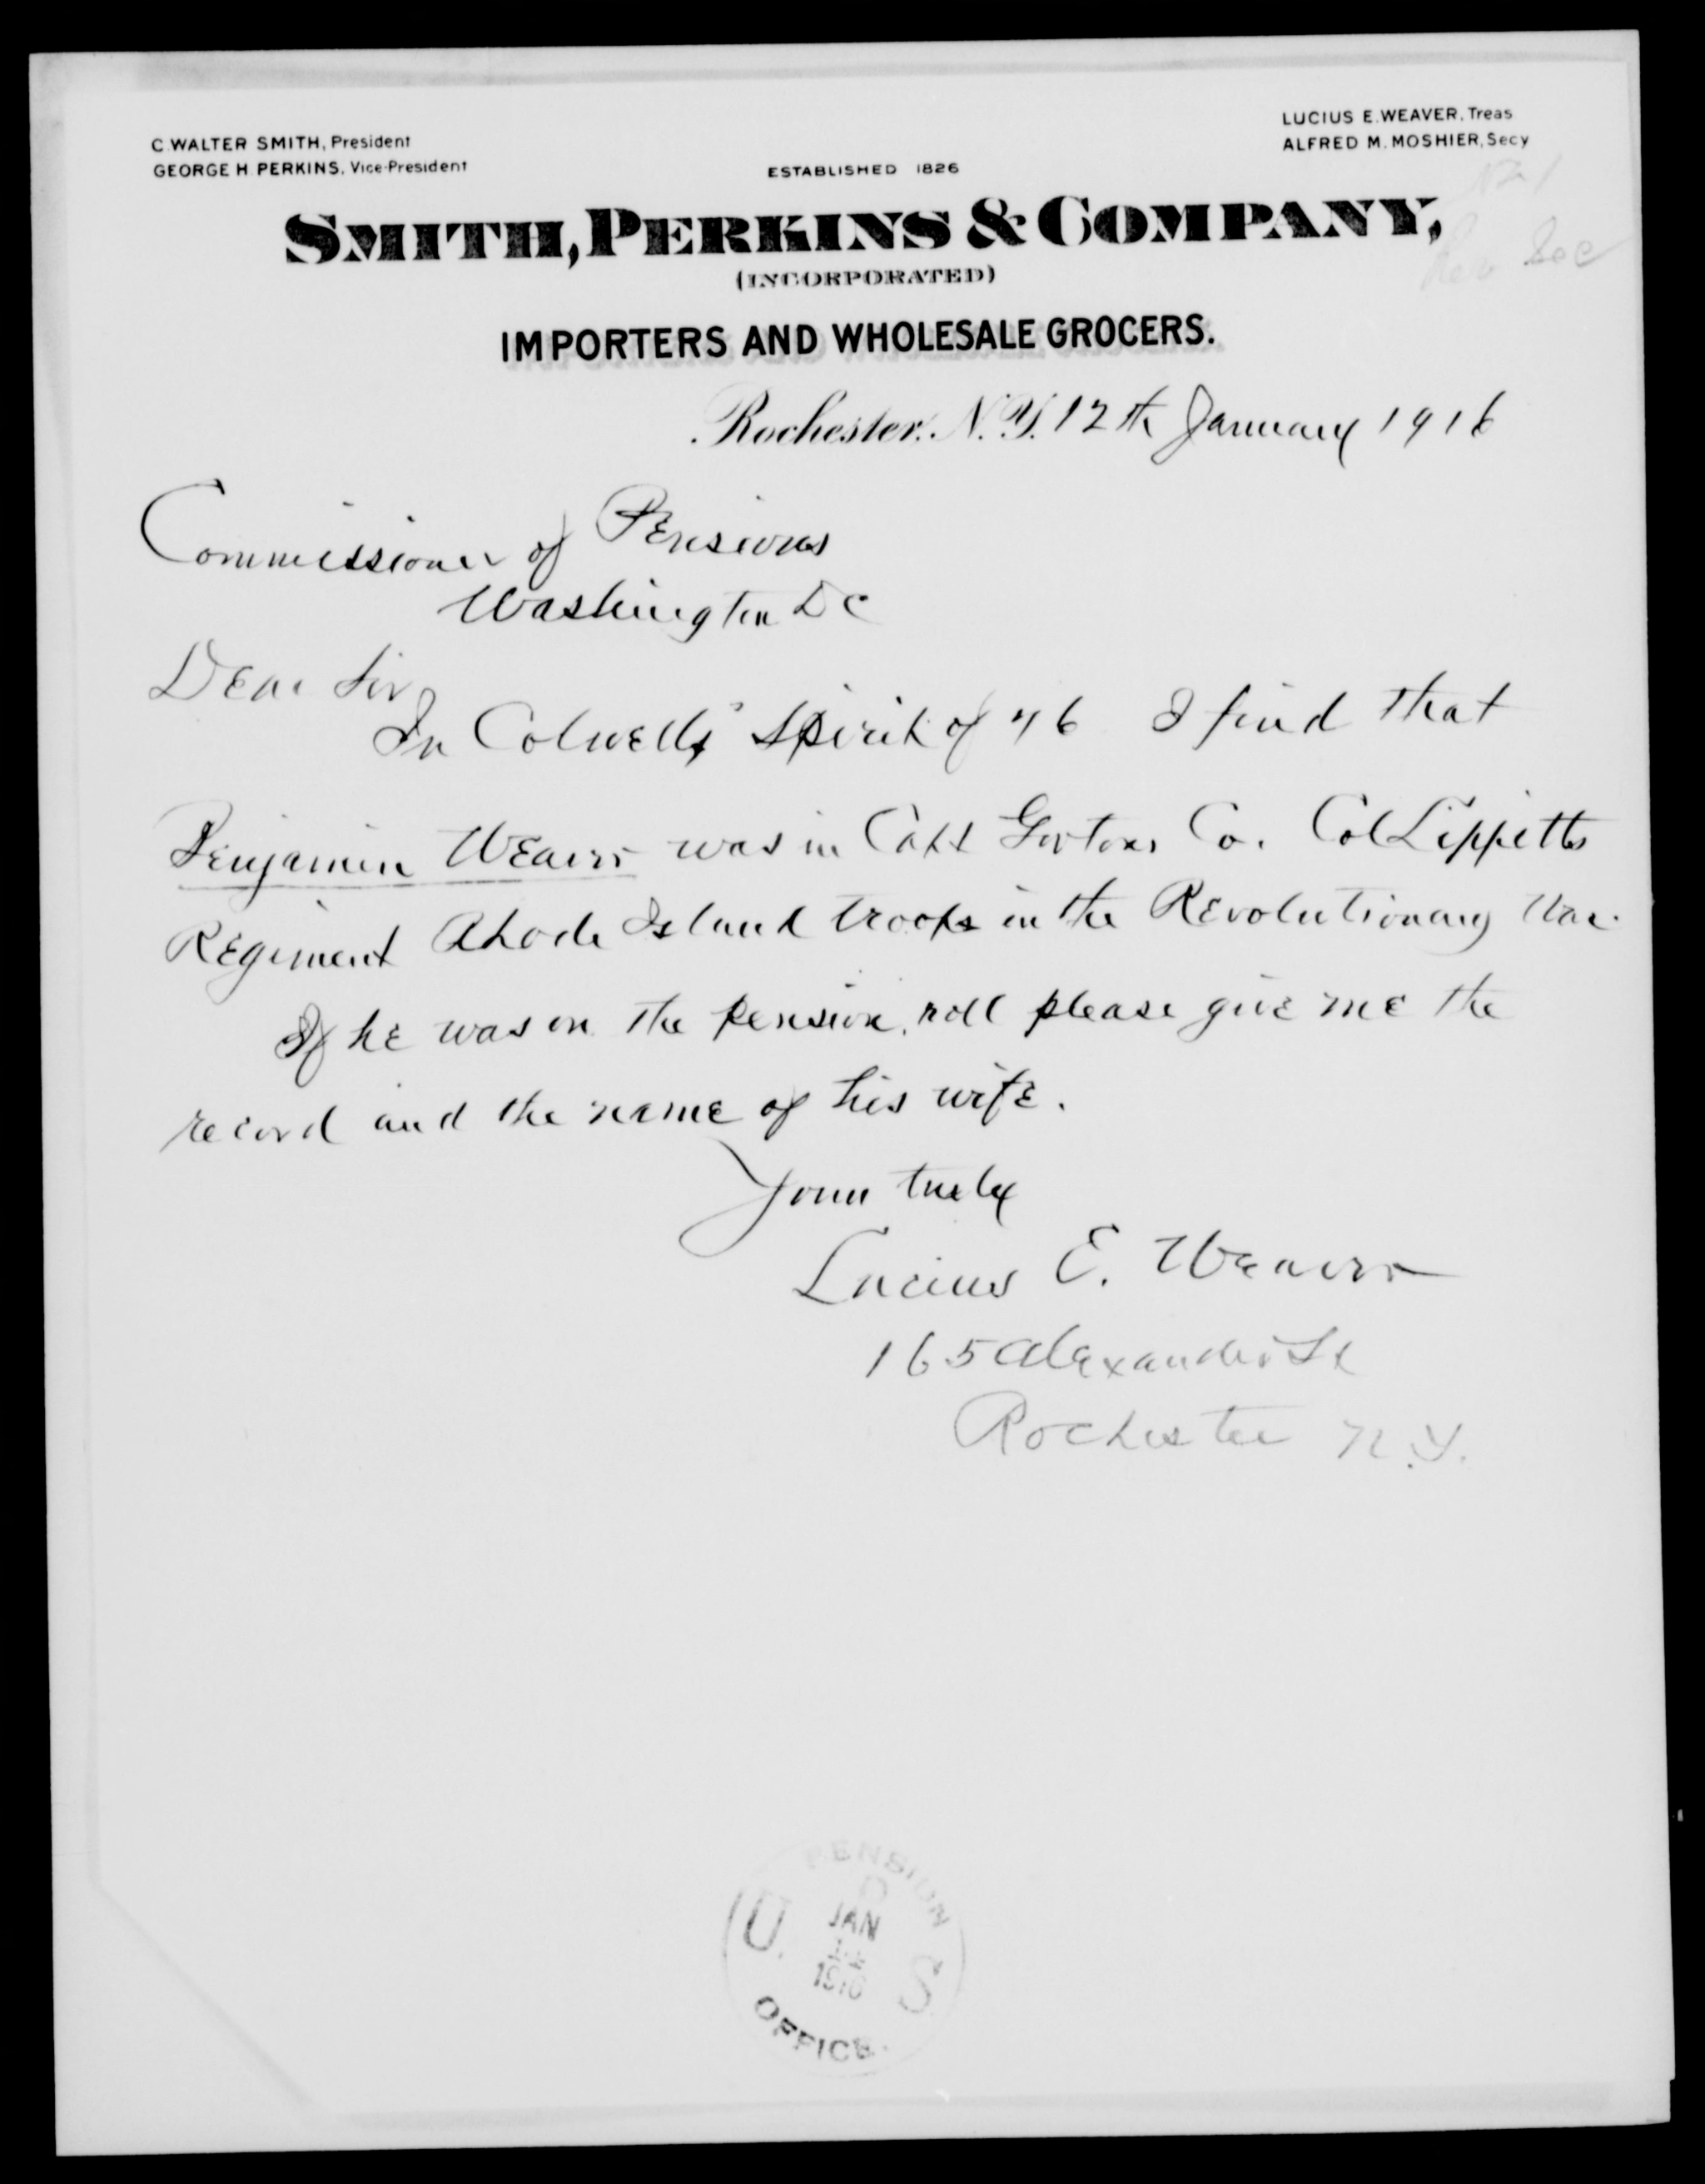C. Walter Smith, President
George H Perkins, vice-President
Lucius E. Weaver, Tres
Alfred M Moshier. Secy

Established 1826

SMITH, PERKINS & COMPANY,
(Incorporated)
IMPORTERS AND WHOLESALE GROCERS.
Rochester N. Y.    12th January 1916

Commissioner of Pensions
Washington D C

Dear Sir

In Colwells Spirit of 76 I find that Benjamin Weaver was in Capt Gortons Co. Col Lippitts Regiment Rhode Island troops in the Revolutionary War.
If he was on the pension roll please give me the record and the name of his wife.

Yours truly
Lucius E. Weaver 
165 Alexander St
Rochester N. Y.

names: C Walter Smith, Benjamin Weaver, George H Perkins, Lucius E Weaver, Alfred M Moshier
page: 53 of 53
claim: widow's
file: W 17707, Benjamin Weaver, R.I.